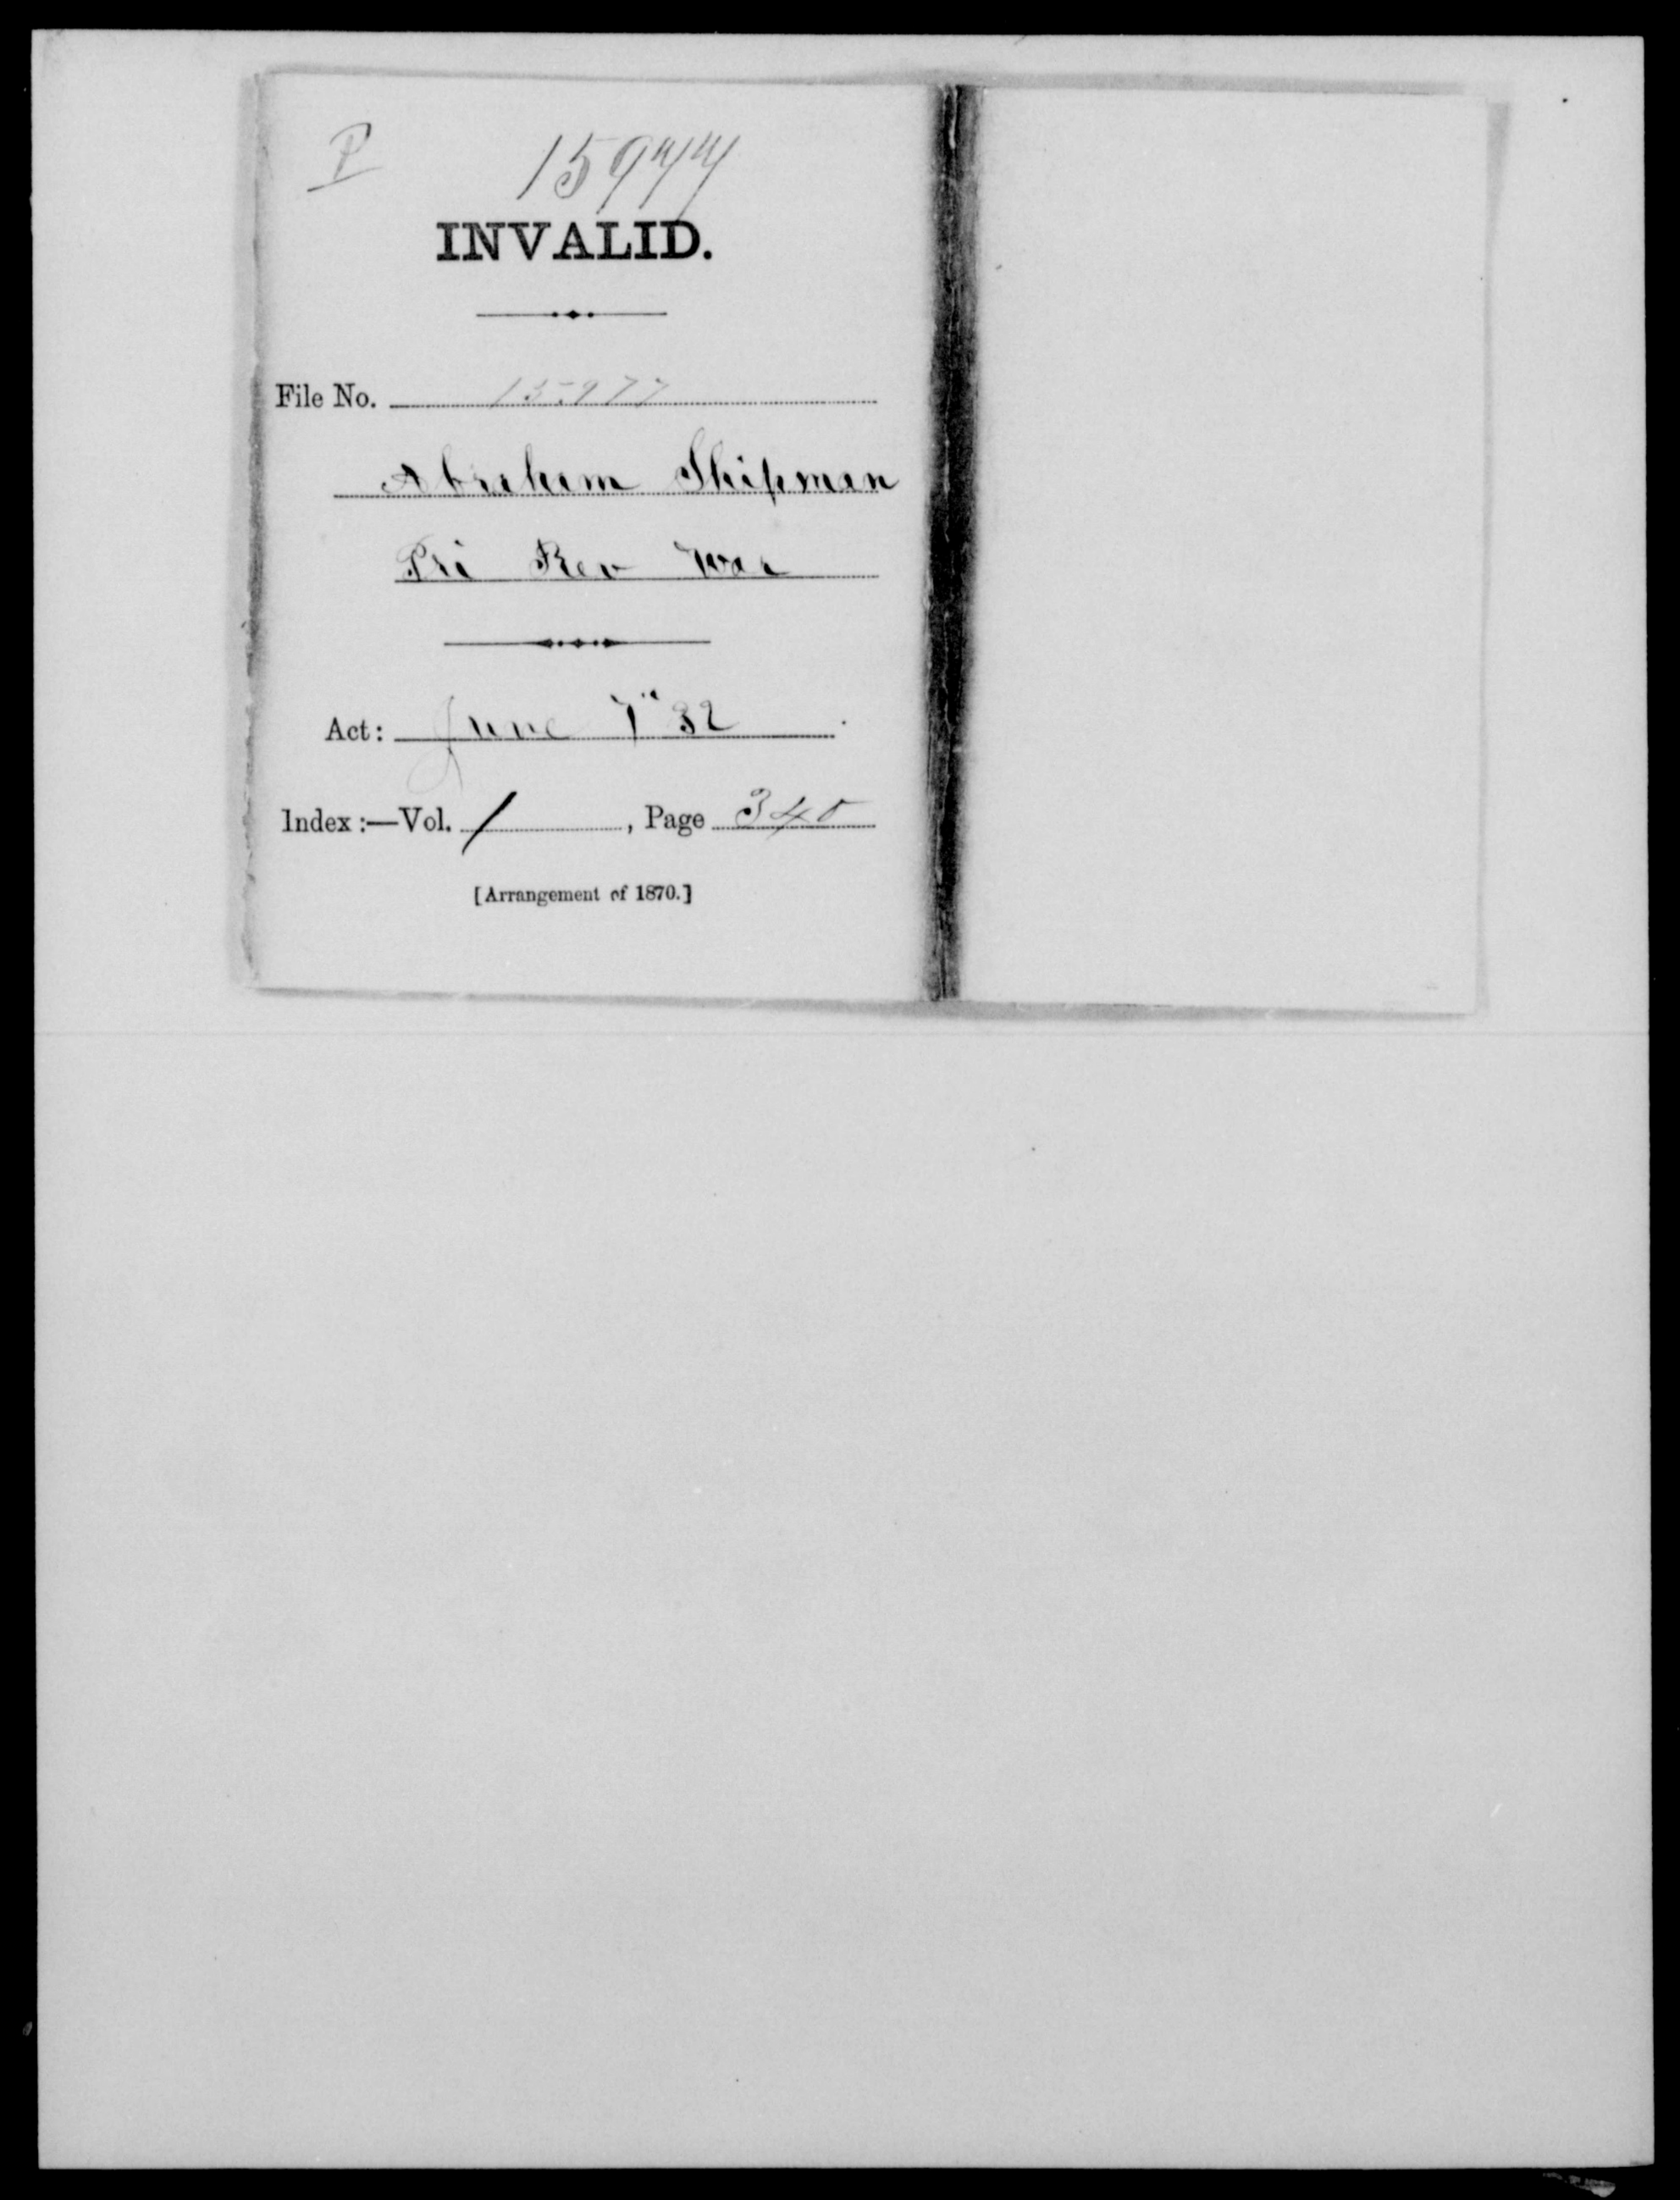P    15977 
INVALID. 

File No. 157977
Abraham Shipman 
Pri. Rev War  
Act:  June 7 1832 

Index: -- Vol. , Page 340 

(Arrangement of 1870.}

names: Abraham Shipman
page: 10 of 13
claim: survivor's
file: S. 15977, for Abraham Shipman, Vermont